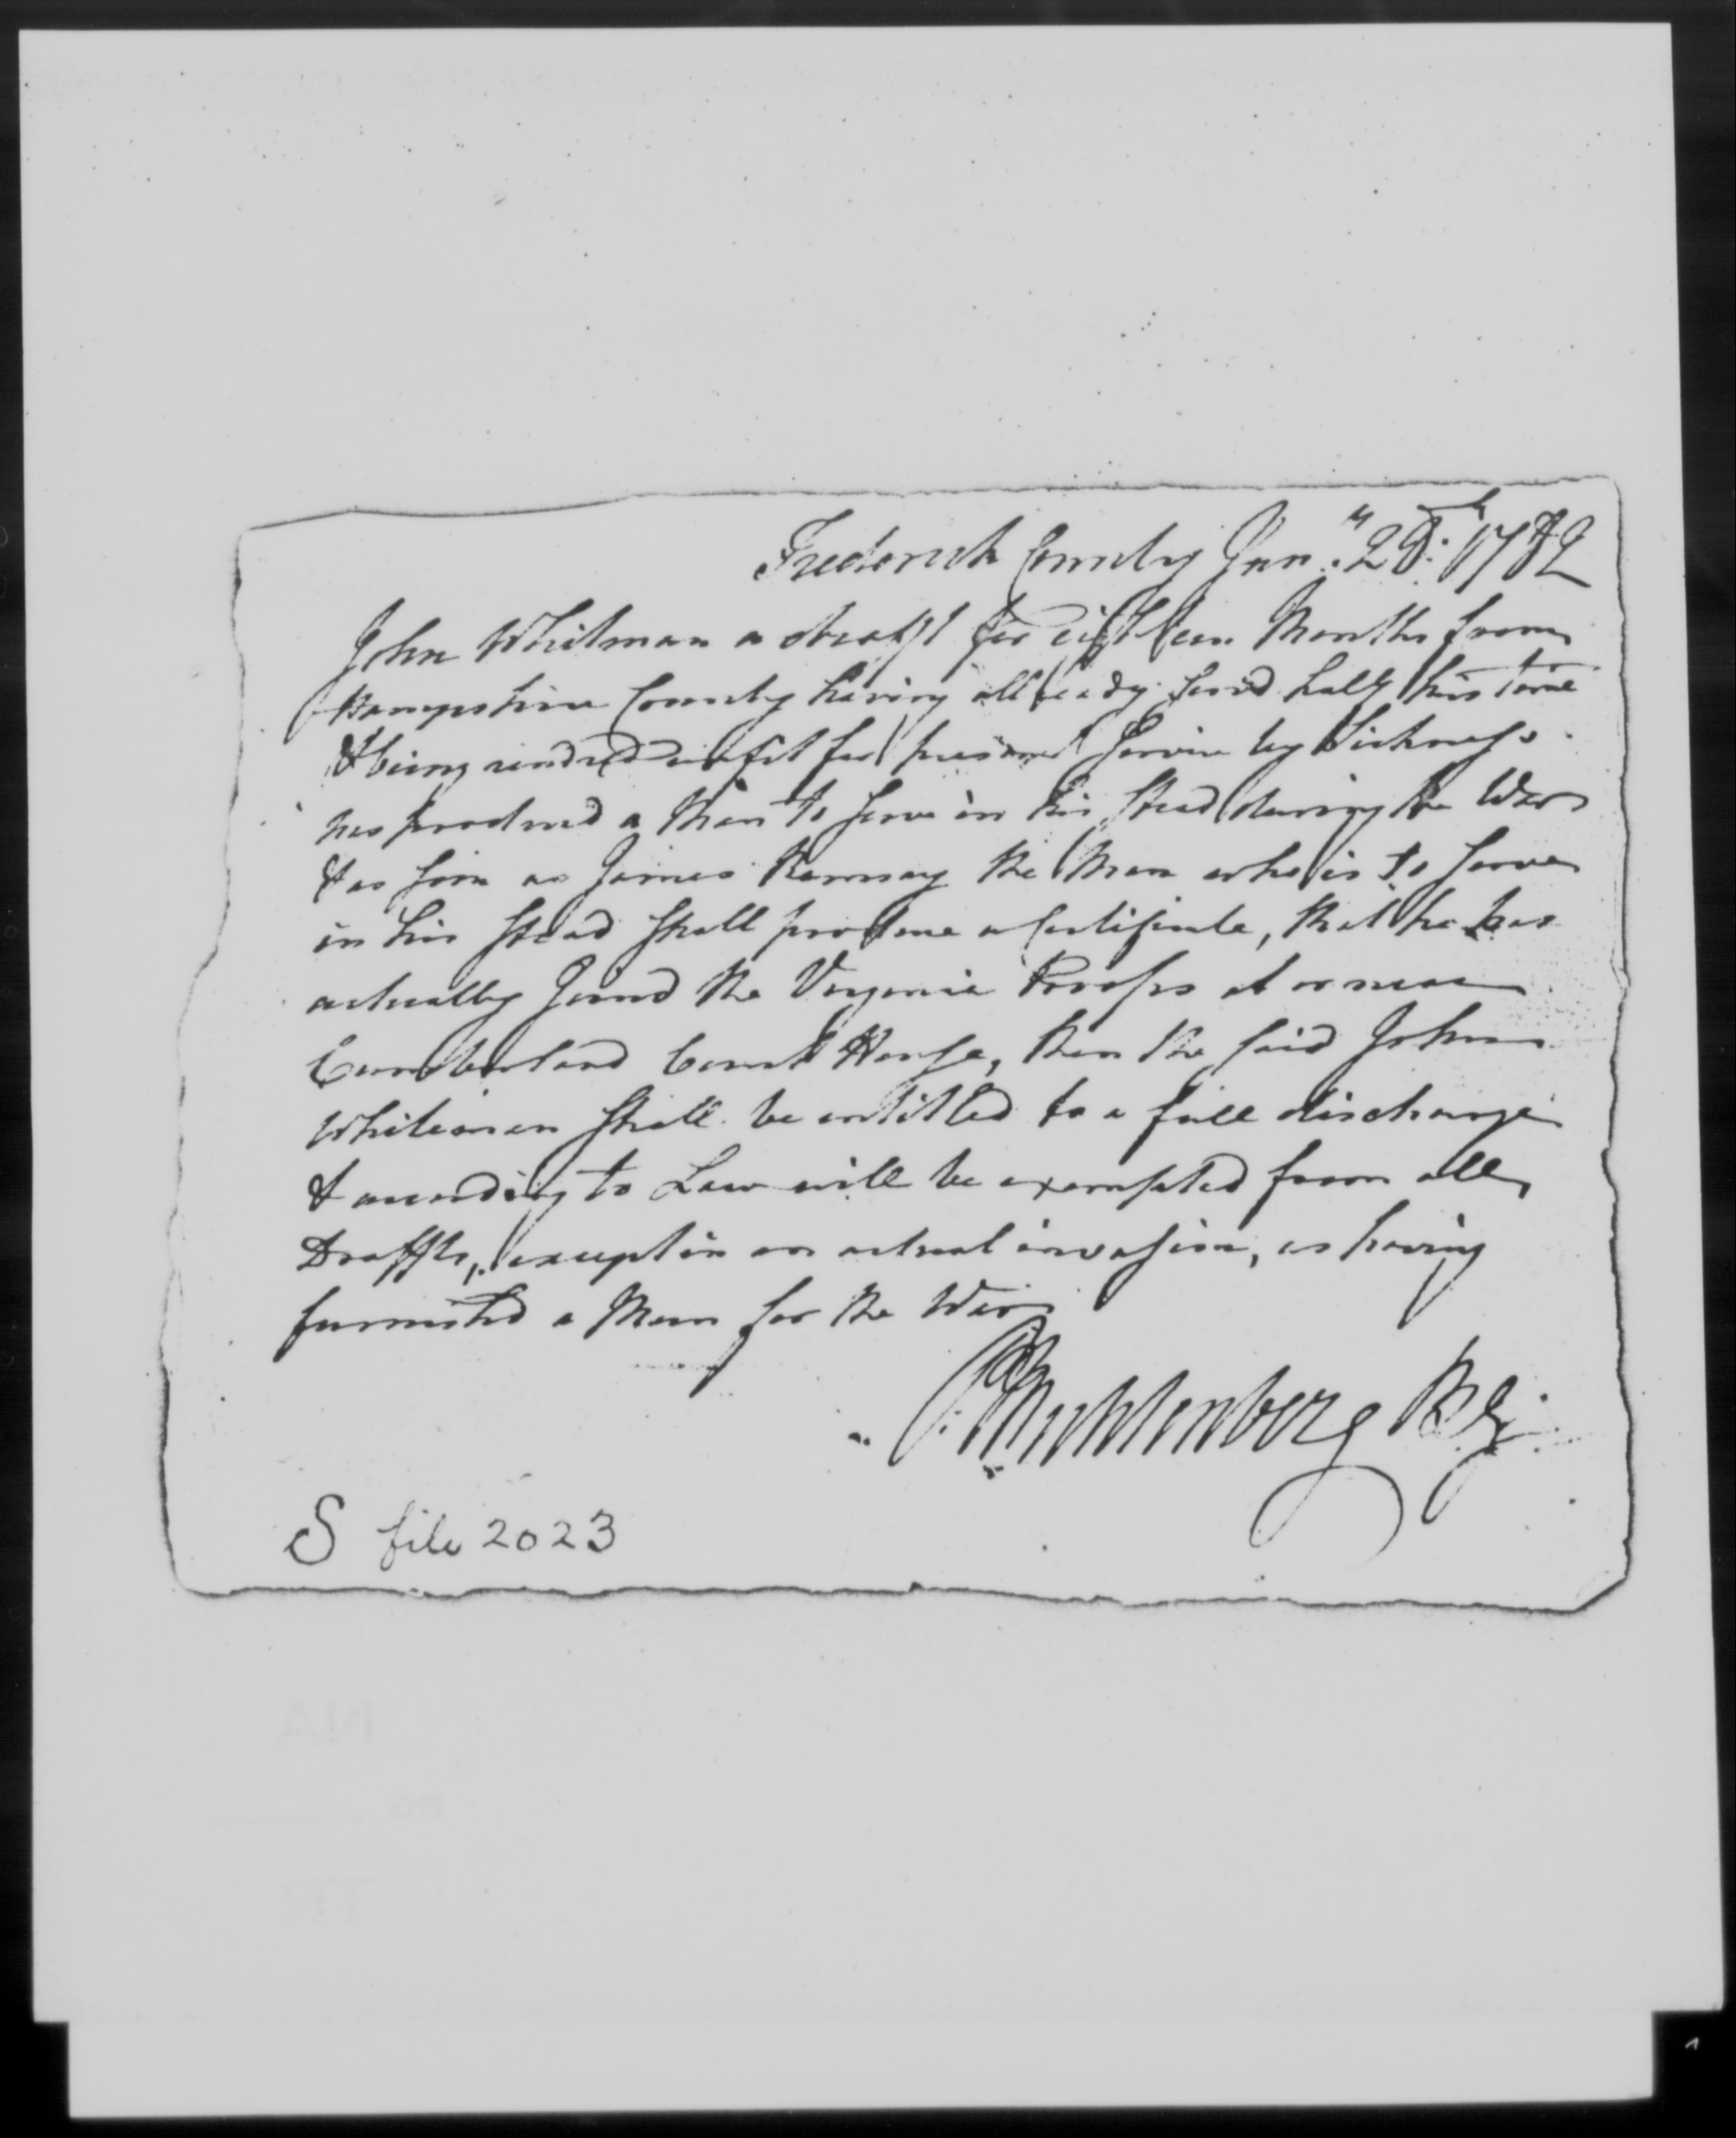Frederick County January 28th 1782
John Whitman a draftee for eighteen months from
Hampshire County having all ready [sic] served half his time
And being rendered unfit for present service by sickness
his produced a man to serve in his stead during the war 
and as for one James Kenny the man who is to serve
in his stead shall produce a certificate, that he has
actually joined the Virginia troops at or near
Cumberland Court House, then the said John
Whitman shall be entitled to a full discharge
and according to Law will be exempted from all
Draffts [sic] exception an actual [illegible]  as having
Furnished a man for the war.
PJ Muhlenberg Brigadier General
S file 2023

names: P J Mohlenberg, John Whitman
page: 21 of 22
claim: survivor's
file: S 2023, John Whitman, Va.